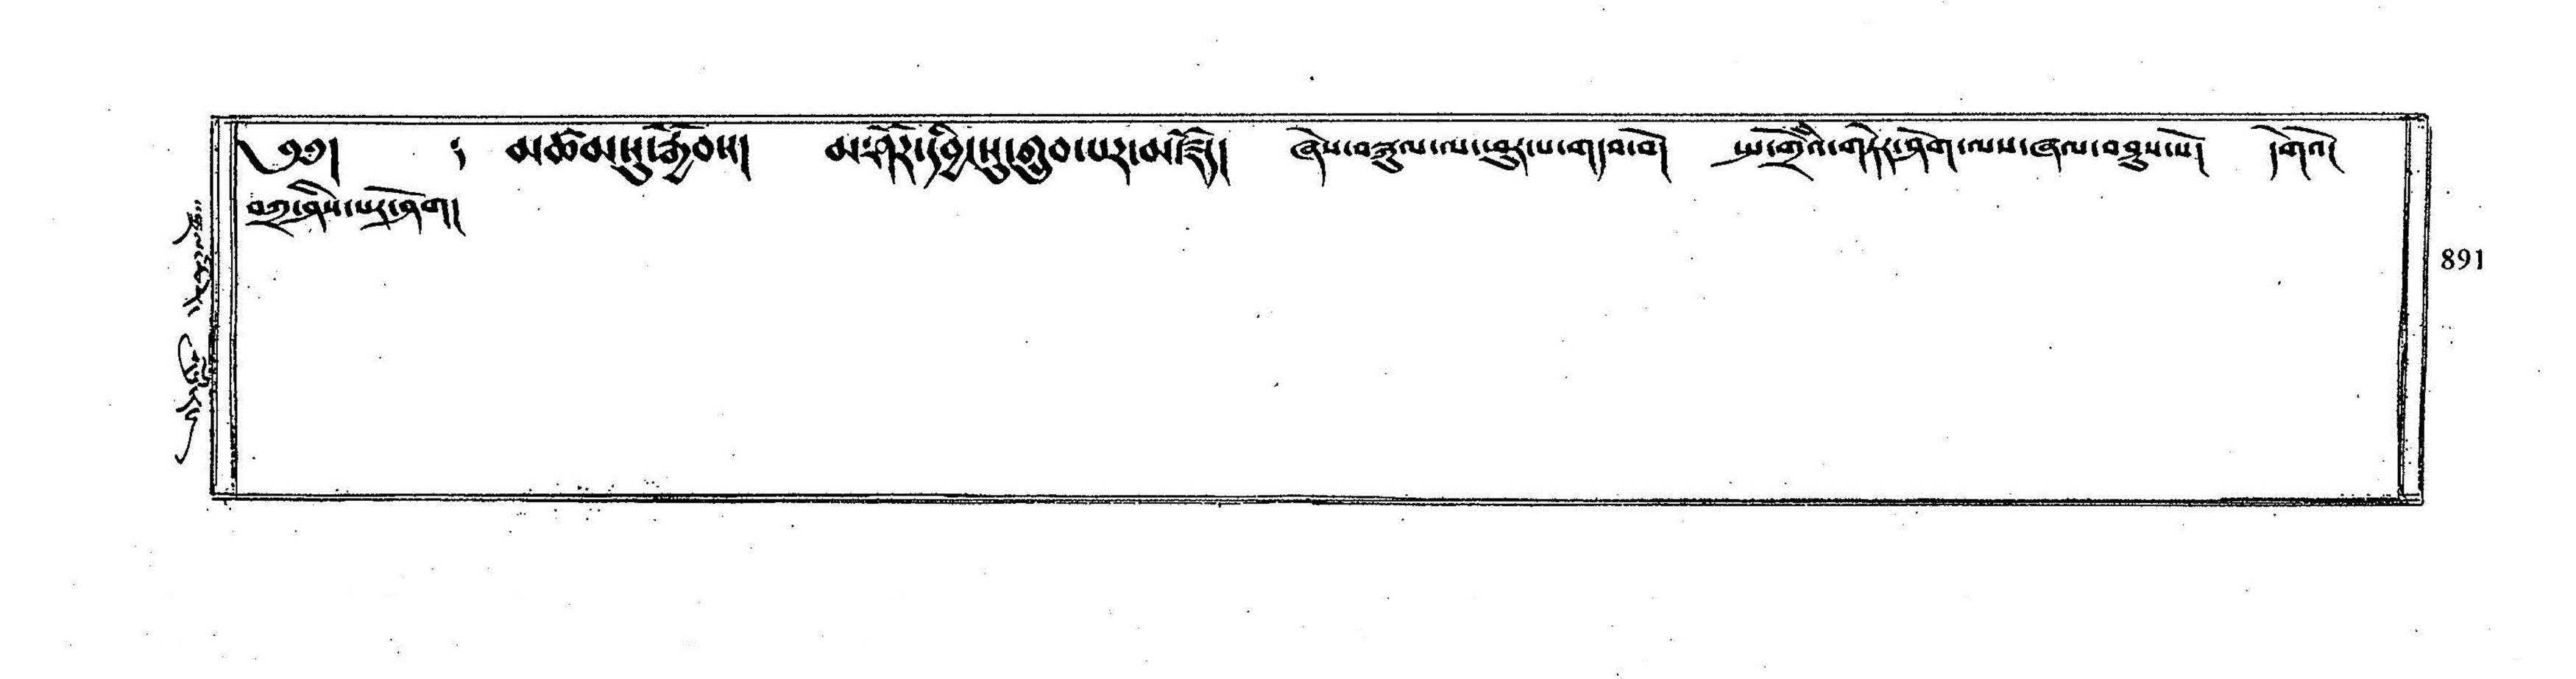མཚམས་སུ་རྒྱོབས། མ་ཤོར་དབྱིངས་སུ་གྲུབ་པར་མཛོད། ཞེས་བསྐུལ་ལ་ཕུར་པ་གདབ་བོ། སྤ་གྲོའི་གཏེར་ཤོག་ལས་ཞལ་བཤུས་སོ། དགེའོ། 
བཀྲ་ཤིས་པར་ཤོག །།